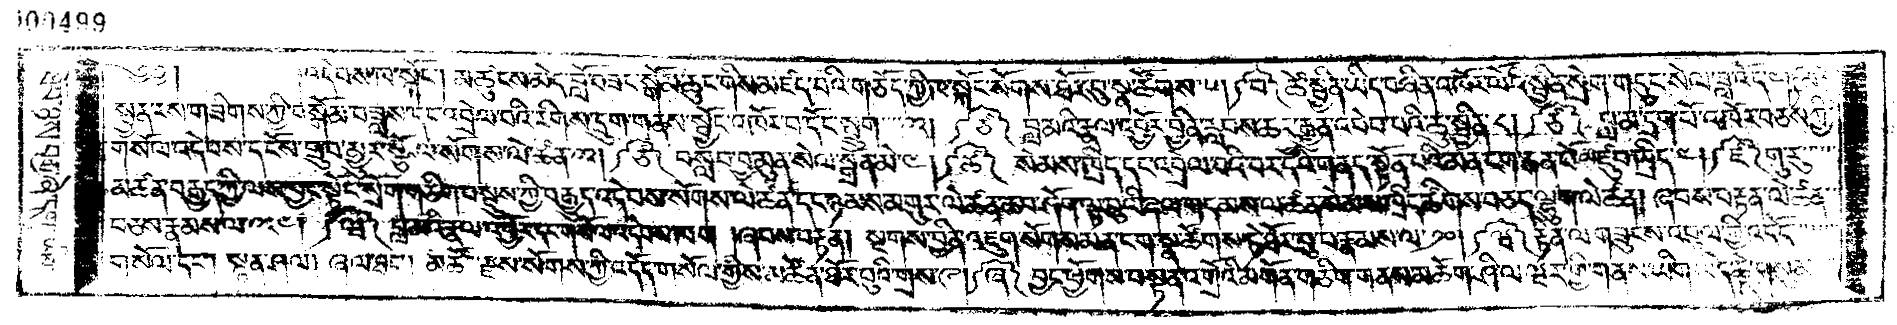༄༅། །འདེབས་ཁ་སྐོང་། མཚུངས་མེད་བློ་བཟང་སྒོམ་ཆུང་གིས་མཛད་པའི་གཅོད་ཀྱི་ཁ་སྐོང་སོགས་ཐོར་བུ་སྣ་ཚོགས ༥། ༼བ༽ ཚེ་སྦྱིན་ཡིད་བཞིན་འཁོར་ལོའི་སྦྱིན་སྲེག་གདུང་སེལ་ཟླ་འོད ༤། ༼མ༽
སྤྱན་རས་གཟིགས་ཀྱི་བསྒོམ་བཟླས་དང་འབྲེལ་བའི་རིགས་དྲུག་གནས་སྦྱོང་འཁོར་བ་དོང་སྤྲུག ༣། ༼ཙ༽ བླ་མའི་རྣལ་འབྱོར་བྱིན་རླབས་ཆར་རྒྱུན་འབེབ་པའི་ཆུ་སྦྱིན ༨། ༼ཙ༽ བླ་མ་དྲག་པོ་འཁོར་བཅས་ཀྱི་
གསོལ་འདེབས་དངོས་གྲུབ་མྱུར་སྩོལ་སོགས་ལེ་ཚན ༣། ༼ཙ༽ བསླབ་བྱ་མུན་སེལ་སྒྲོན་མེ༤། ༼ཚ༽ སེམས་ཁྲིད་དང་འབྲེལ་བའི་བྲ་དོའི་གནད་སྟོན་པའི་མན་ངག་རྒན་པོ་མཛུབ་ཁྲིད ༤། ༼ཛ༽ གུ་རུ་
མཚན་བརྒྱད་ཀྱི་ལས་བྱང་སྟོང་སྲོག་གཅིག་བསྡུས་ཀྱི་བརྒྱུད་འདེབས་སོགས་ལེ་ཚན་དང་ཉམས་མགུར་ལེ་ཚན་ཆབ་ཤོག་ལྟ་བུའི་ཞལ་གདམས་ལ་ཚན་སེམས་ཁྲིད་ཚིགས་བཅད་ལྷུག་ལེ་ཚན། ཞབས་བརྟན་ལེ་ཚན་
བཅས་རྣམས་ལ ༣༤། ༼ཝ༽ བླ་མའི་རྣལ་འབྱོར་དང་གསོལ་འདེབས་ཁག །ཞབས་བརྟན། སྔགས་བྱིན་འཇུག་སོགས་མན་ངག་སྣ་ཚོགས་ཏེ་ཐོར་བུ་བ་རྣམས་ལ ༡༠། ༼ཝ༽ རྟེན་ལ་གཟུངས་འབུལ་གྱི་འདོད་
གསོལ་དང་། སྙན་ཤལ། ཞལ་ཐང་། མཚོ་རྫས་སོགས་ཀྱི་འདོད་གསོལ་གྱིས་མཚོན་ཐོར་བུའི་གྲས ༩། ༼ཞ༽ བྱང་ཕྱོགས་བསྟན་འགྲོའི་མགོན་གཅིག་གནས་མཆོག་ཤི་ལ་ཝར་གྱི་གནས་ཡིག་ཆེས་གསུམ་